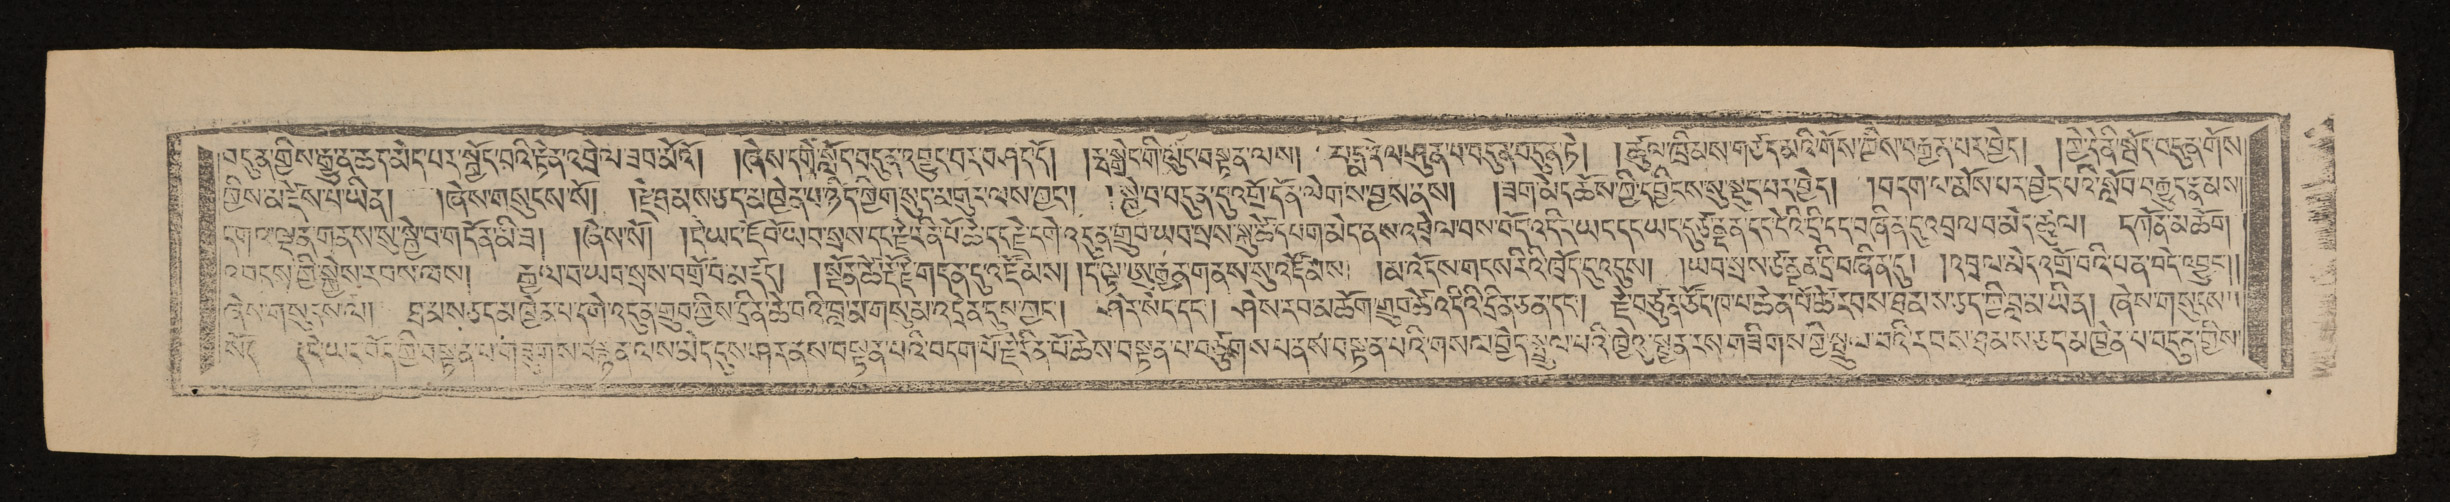བདུན་གྱིས་རྒྱུན་ཆད་མེད་པར་སྐྱོང་པའི་རྟེན་འབྲེལ་ཟབ་མོའོ། །ཞེས་དགེ་སློང་བདུན་འབྱུང་བར་བཤད་དོ། །རྭ་སྒྲེང་གི་ལུང་བསྟན་ལས། པདམ་རེ་ལ་ཤུན་བ་བདུན་བདུན་ཏེ། །ཚུལ་ཁྲིམས་གཙང་མའི་གོས་ཀྱིས་བརྒྱན་པར་བྱེད། །ཀྱེ་དེ་ནི་སྤོང་བདུན་གོས་
ཀྱིས་མཛེས་པ་ཡིན། །ཞེས་གསུངས་སོ། །རྗེ་ཐམས་ཅད་མཁྱེན་པ་ཉིད་ཀྱི་གསུང་མགུར་ལས་ཀྱང་། སྐྱེ་བ་བདུན་དུ་འགྲོ་དོན་ལེགས་བྱས་ནས། །ཟག་མེད་ཆོས་ཀྱི་དབྱིངས་སུ་སྡུད་པར་བྱེད། །བདག་ལ་མོས་པར་བྱེད་པའི་སློབ་བརྒྱུད་རྣམས།
དགའ་ལྡན་གནས་སུ་སྐྱེ་བ་གདོན་མི་ཟ། །ཞེས་སོ། །དེ་ཡང་ཇོ་བོ་ཡབ་སྲས་དང་རྗེ་རིན་པོ་ཆེ་དང་རྗེ་དགེ་འདུན་གྲུབ་ཡབ་སྲས་སྐུ་ཚེ་དཔག་མེད་ནས་འབྲེལ་བས་བོད་འདིར་ཡང་དང་ཡང་དུ་ཙནྡན་དང་དེའི་དྲི་ངད་བཞིན་དུ་འབྲལ་བ་མེད་ཚུལ། དཀོན་མཆོག་
འབངས་ཀྱི་སྐྱེས་རབས་ལས། རྒྱལ་བ་ཡབ་སྲས་བགྲོ་བ་མཛད། །སྔོན་ཚེ་རྡོ་རྗེ་གདན་དུ་འཛོམས། །ད་ལྟ་ཨུ་རྒྱན་གནས་སུ་འཛོམས། །མ་འོངས་གྲངས་རིའི་ཁྲོད་དུ་འདུས། །ཡབ་སྲས་ཙནྡ་ན་དྲི་བཞིན་དུ། །འབྲལ་མེད་འགྲོ་བའི་ཕན་བདེ་འབྱུང་།
ཞེས་གསུངས་ལ། ཐམས་ཅད་མཁྱེན་པ་དགེ་འདུན་གྲུབ་ཀྱིས་དྲིན་ཆེ་བའི་བླ་མ་གསུམ་འདྲེན་དུས་ཀྱང་། ཤེར་སེང་དང་། ཤེས་རབ་མཆོག་གྲུབ་ཚེ་འདིའི་དྲིན་ཅན་དང་། རྗེ་བཙུན་ཙོང་ཁ་པ་ཆེན་པོ་ཚེ་རབས་ཐམས་ཅད་ཀྱི་བླ་མ་ཡིན། ཞེས་གསུངས་
སོ༑ ༑དེ་ཡང་བོད་ཀྱི་བསྟན་པ་གཟུགས་བརྙན་ལས་མེད་དུས་ཤར་ནས་བསྟན་པའི་བདག་པོ་རྗེ་རིན་པོ་ཆེས་བསྟན་པ་བཙུགས་པ་ནས་བསྟན་པའི་གསལ་བྱེད་སྤྲུལ་པའི་ཁྱེའུ་སྤྱན་རས་གཟིགས་ཀྱི་སྤྲུལ་པའི་རབས་ཐམས་ཅད་མཁྱེན་པ་བདུན་གྱིས་